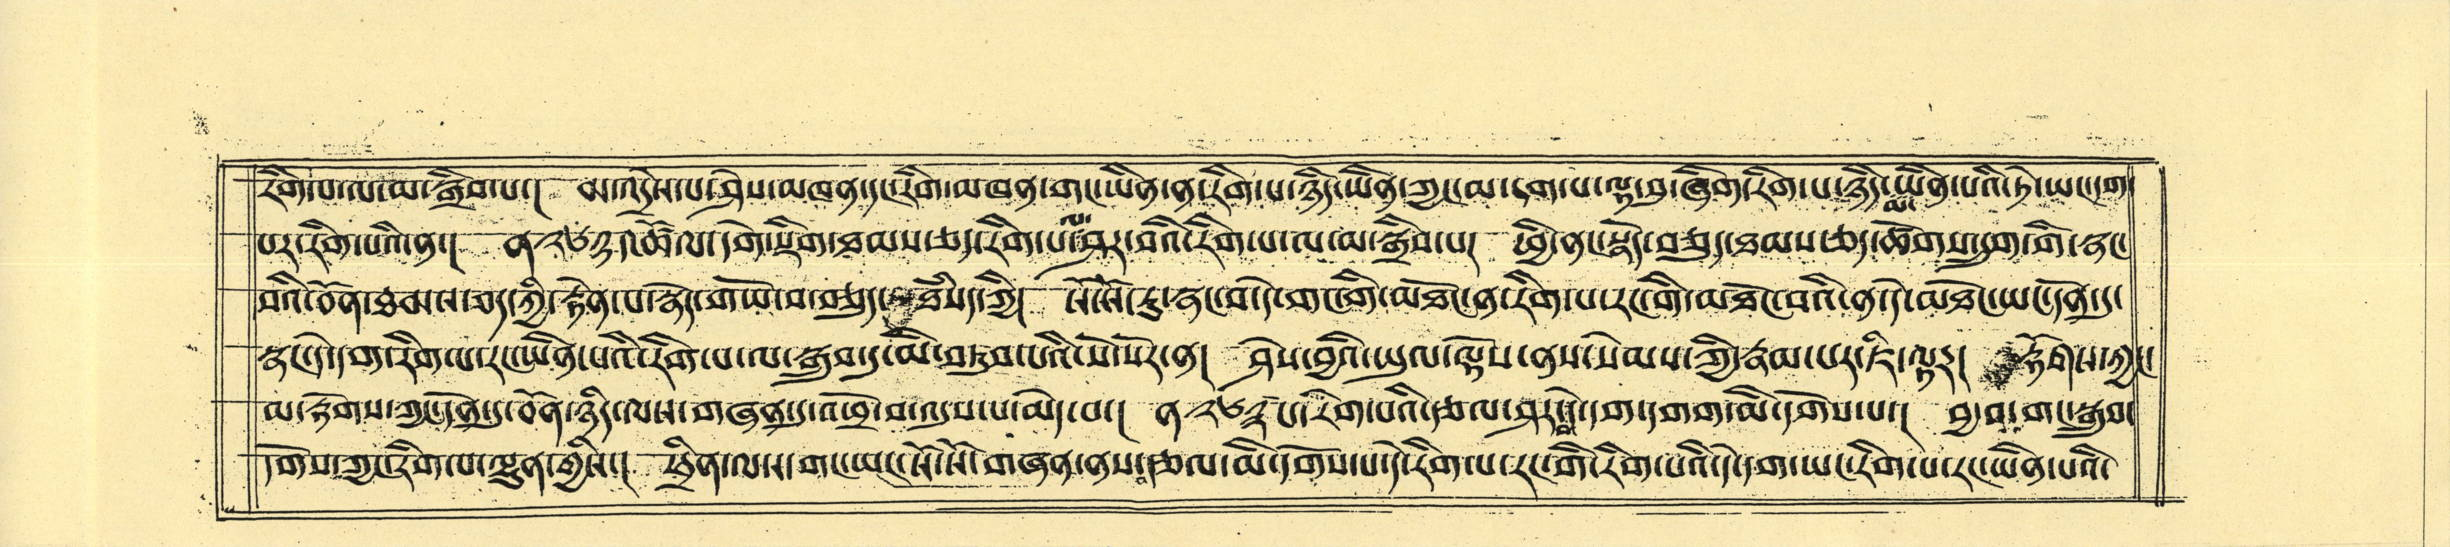རིག་པ་ལ་མ་བསྒྲིབས་པ།༼མ་འདྲེས་པ༽ཤེས་མཁན་དང་རིག་མཁན་གང་ཡིན་ན་རིག་པ་ཉིད་ཡིན་ཀྱང་མ་རིག་པ་ལྟ་བུ་ཞིག་རིག་པ་ཉིད་མ་ཡིན་ཏེ་ཡང་དག་
པར་རིག་པས་ན་ན༢༦༡།༡༼འཚོལ༽དགེ་སྡིག་ཐམས་ཅད་རིག་པ་ལ་ཤར་བའི་རིག་པ་ལ་མ་བསྒྲིབ་པ། ཕྱི་སྣང་སྣོད་བཅུད་ཐམས་ཅད་ཚོགས་དྲུག་གི་སྣང་
བའི་༼བོན་ཐམས་ཅད་ཀྱི་རྟེན་པ༽སྣོད་གཡོ་བ་བཅུད་ཐམས་ཅད་ཀྱི་༼སོ་སོ༽རུ་སྣང་བ་དེ་གང་གི་མཐོང་ན་རིག་པ་རང་གི་མཐོང་བའི་ན་དེ་མཐོང་ཡང་དོན་དུ་
སྣང་དེ་དག་རིག་པ་རང་ཡིན་པའི་རིག་པ་ལ་སྒྲུབ་ཏུ་མི་བཏུབ་པའི་སོ་སོར་ན། ཤེས་བྱའི་ཡུལ་ལྟོས་ནས་སེམས་ཀྱི་རྣམ་པ་༼ཇི་ལྟར༽༼རྟོགས་ཀྱང་༽
མ་རྟོགས་ཀྱང་དོན་དུ་༼བོན་ཉིད་ལས༽གཞན་དུ་འཕྲོ་བ་འདུས་པ་མེད་པ་ན༢༦༡།༢༼པ༽རིག་པའི་རྩལ་ཤར་བ་དེ་དག་དགག་མི་དགོས་པ། བྱ་བ་གང་བསྒྲུབ་
དགོས་ཀྱང་རིག་པ་༼ལྷུན་གྱིས༽༼ཕྲིན་ལས༽གང་ཡང་༼སོ་སོ༽གཞན་ནས་བཙལ་མི་དགོས་པ་དེ་རིག་པ་རང་གི་རིག་པའི་དེ་དག་ཡང་རིག་པ་རང་ཡིན་པའི་